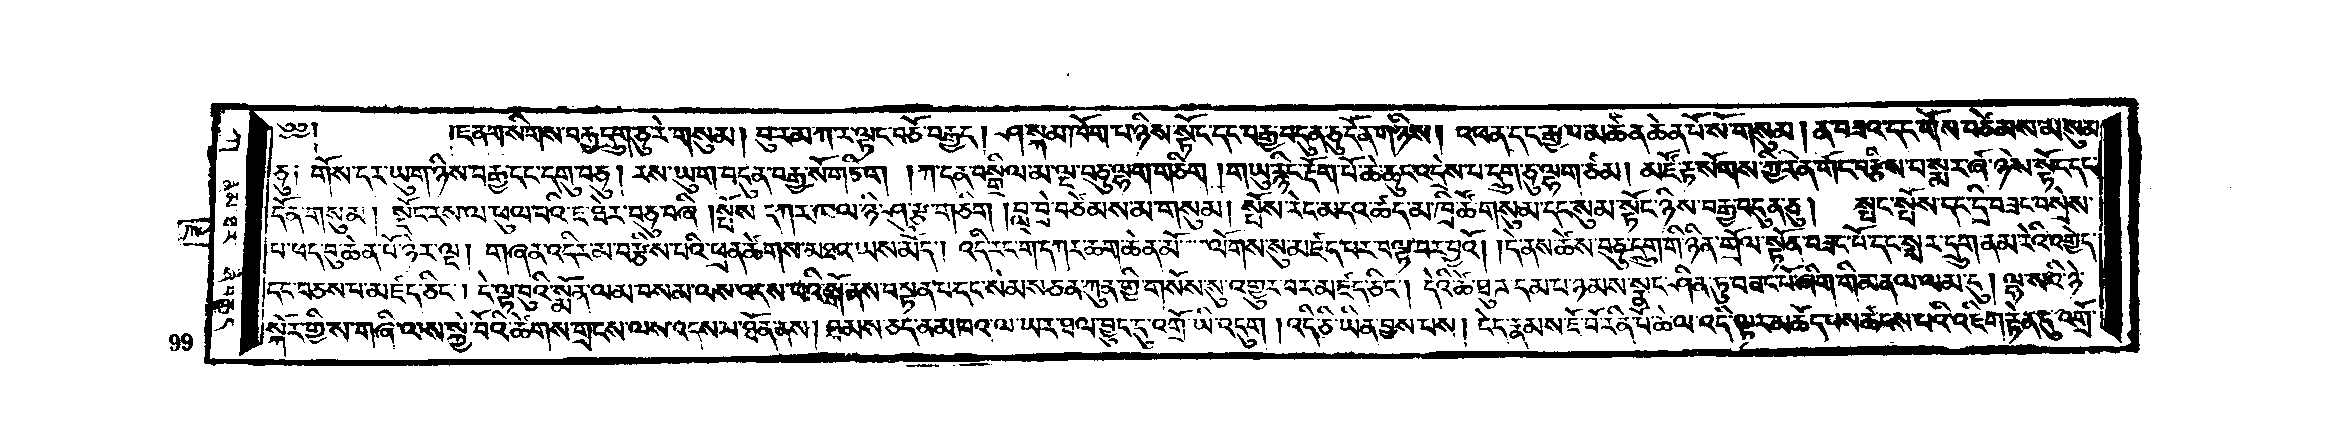༄༅། །ཇ་ནག་སིགས་བརྒྱ་དྲུག་ཅུ་རེ་གསུམ། བུ་རམ་ཀ་ར་ལྟང་བཅོ་བརྒྱད། ཤ་སྐམ་ཁོག་པ་ཉིས་སྟོང་དང་བརྒྱ་བདུན་ཅུ་དོན་གཉིས། འཕན་དང་རྒྱལ་མཚན་ཆེན་པོ་སོ་གསུམ། ན་བཟའ་དང་གོས་བཙེམས་མ་སུམ་
ཅུ། གོས་དར་ཡུག་ཉིས་བརྒྱ་དང་དགུ་བཅུ། རས་ཡུག་བདུན་བརྒྱ་སོ་གཅིག །ཀ་དན་བསྒྲིལ་མ་ལྔ་བཅུ་ལྷག་གཅིག །གཡུ་རྙིང་རྡོག་པོ་ཆེ་ཆུང་འདྲེས་པ་དྲུག་ཅུ་ལྷག་ཙམ། མཛོ་རྟ་སོགས་ཀྱི་རིན་གོང་བརྩིས་པ་སྨར་ཞོ་ཉེས་སྟོང་དང་
དོན་གསུམ། སྡོང་རས་ལ་ཕུལ་བའི་ཇ་ཐེར་བཅུ་བཞི། སྤོས་དཀར་ཁལ་ཉི་ཤུ་རྩ་གཅིག །བླ་བྲེ་བཙེམས་མ་གསུམ། སྤོས་རེང་མདའ་ཚད་མ་ཁྲི་ཚོ་གསུམ་དང་སུམ་སྟོང་ཉིས་བརྒྱ་བདུན་ཅུ། སྤང་སྤོས་དང་དྲི་བཟང་བསྲེས་
པ་ཕད་བུ་ཆེན་པོ་ཉེར་ལྔ། གཞན་འདིར་མ་བརྩིས་པའི་ཕྲན་ཚེགས་མཐའ་ཡས་མོད། འདི་རང་གེ་དཀར་ཆག་ཆེན་མོ་ལོགས་སུ་མཛད་པར་བལྟ་བར་བྱའོ། །དེ་ནས་ཚེས་བཅུ་དྲུག་གི་ཉིན་གྲོལ་སྟོན་བཟང་པོ་དང་སྨར་དྲུག་ནམ་རེའི་འགྱེད་
དང་བཅས་པ་མཛད་ཅིང་། དེ་ལྟ་བུའི་སྨོན་ལམ་བསམ་ལས་འདས་པའི་སྒོ་ནས་བསྟན་པ་དང་སེམས་ཅན་ཀུན་གྱི་གསོས་སུ་འགྱུར་བར་མཛད་ཅིང་། དེའི་ཚེ་ཐུཌ་དམ་པ་ཉམས་སྣང་ཤིན་ཏུ་བཟང་པོ་ཞིག་གི་མནལ་ལམ་དུ། ལྷ་སའི་ཉེ་
སྐོར་གྱི་ས་གཞི་ལས་སྐྱེ་བོའི་ཚེགས་གྲངས་ལས་འདས་པ་ཐོན་ནས། ཐམས་ཅད་ནམ་མཁའ་ལ་ཡར་ཐལ་བྱུང་དུ་འགྲོ་ཡི་འདུག །འདི་ཅི་ཡིན་བྱས་པས། ངེད་རྣམས་ཇོ་བོ་རིན་པོ་ཆེ་ལ་འདི་ལྟར་མཆོད་པས་ཚངས་པའི་འཇིག་རྟེན་དུ་འགྲོ་